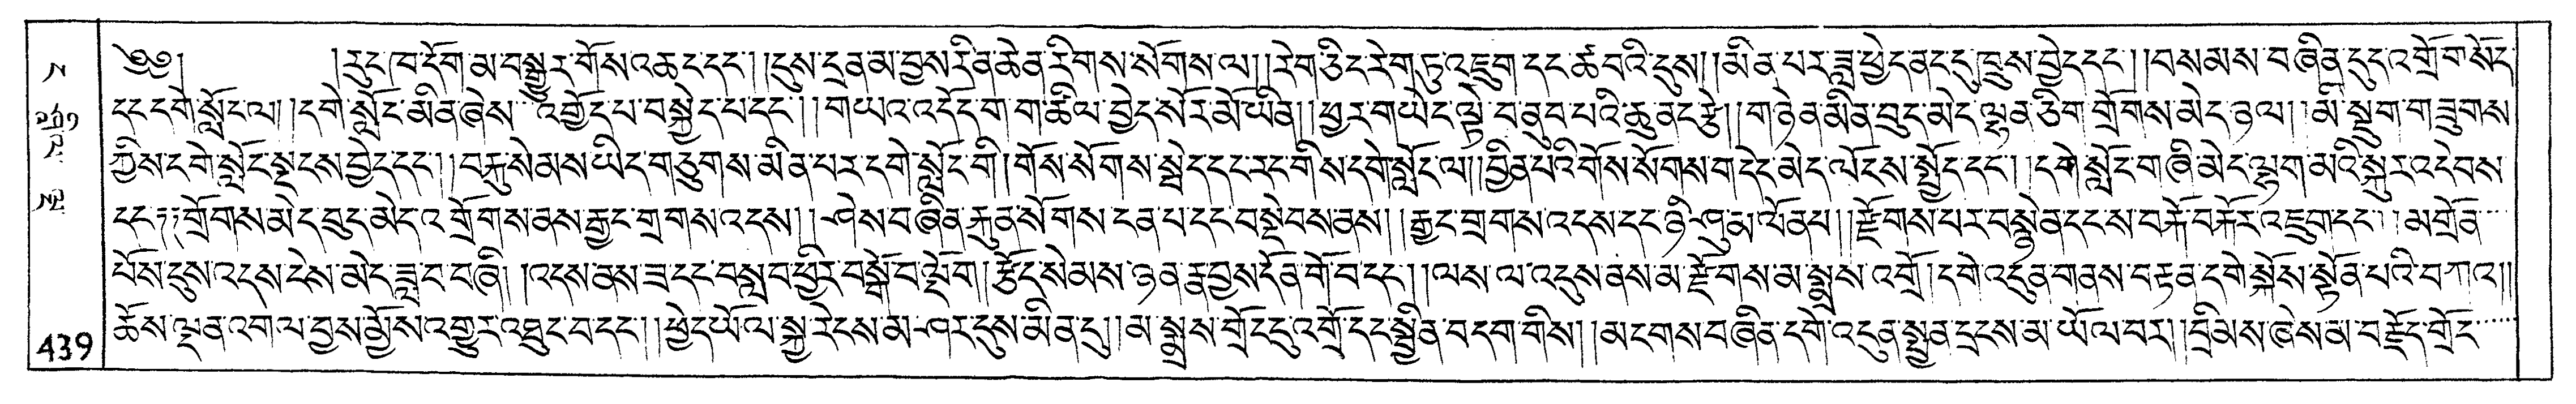༄༅། །རུང་ཁ་དོག་མ་བསྒྱུར་གོས་འཆང་དང་། །དུས་དྲན་མ་བྱས་རིན་ཆེན་རིགས་སོགས་ལ། །རེག་ཅིང་རེག་ཏུ་འཇུག་དང་ཚ་བའི་དུས། །མིན་པར་ཟླ་ཕྱེད་ནང་དུ་ཁྲུས་བྱེད་དང་། །བསམས་བཞིན་དུད་འགྲོ་གསོད་
དང་དགེ་སློང་ལ། །དགེ་སློང་མིན་ཞེས་འགྱོད་པ་བསྐྱེད་པ་དང་། །གཡའ་འདོད་ག་ག་ཚིལ་བྱེད་སོར་མོ་ཡིན། །ཕྱར་གཡེང་ལྟེ་བ་ནུབ་པའི་ཆུ་ནང་རྩེ། །གཉེན་མིན་བུད་མེད་ལྷན་ཅིག་གྲོགས་མེད་ཉལ། །མི་སྡུག་གཟུགས་
ཀྱིས་དགེ་སློང་སྡངས་བྱེད་དང་། །བརྐུ་སེམས་ཡིད་གཅུགས་མིན་པར་དགེ་སློང་གི །གོས་སོགས་སྦེད་དང་རང་གིས་དགེ་སློང་ལ། །བྱིན་པའི་གོས་སོགས་གདེང་མེད་ལོངས་སྤྱོད་དང་། །དགེ་སློང་གཞི་མེད་ལྷག་མའི་སྐུར་འདེབས་
དང་། །གྲོགས་མེད་བུད་མེད་འགྲོགས་ནས་རྒྱང་གྲགས་འདས། །ཤེས་བཞིན་རྐུན་སོགས་ངན་པ་དང་བསྡེབས་ནས། །རྒྱང་གྲགས་འདས་དང་ཉི་ཤུ་མ་ལོན་པ། །རྫོགས་པར་བསྙེན་དང་ས་བརྐོ་བརྐོར་འཇུག་དང་། །མགྲོན་
པོས་དུས་འདས་ངེས་མེད་ཟླ་བ་བཞི། །འདས་ནས་ཟ་དང་བསླབ་ཕྱིར་བསྒོ་བ་ལྡོག །རྩོད་སེམས་ཉན་རྣ་བྱས་དོན་གོ་བ་དང་། །ལས་ལ་འདུས་ནས་མ་རྫོགས་མ་སྨྲས་འགྲོ་།དགེ་འདུན་གནས་བརྟན་དགེ་སྐོས་སྟོན་པའི་བཀའ། །
ཆོས་ལྡན་འགལ་བྱས་མྱོས་འགྱུར་འཐུང་བ་དང་། །ཕྱེད་ཡོལ་སྐྱ་རེངས་མ་ཤར་དུས་མིན་དུ། །མ་སྨྲས་གོང་དུ་འགྲོ་དང་སྦྱིན་བདག་གིས། །མངགས་བཞིན་དགེ་འདུན་སྤྱན་དྲངས་མ་ཡོལ་བར། །བྲིམས་ཞེས་མ་བརྗོད་གྲོང་